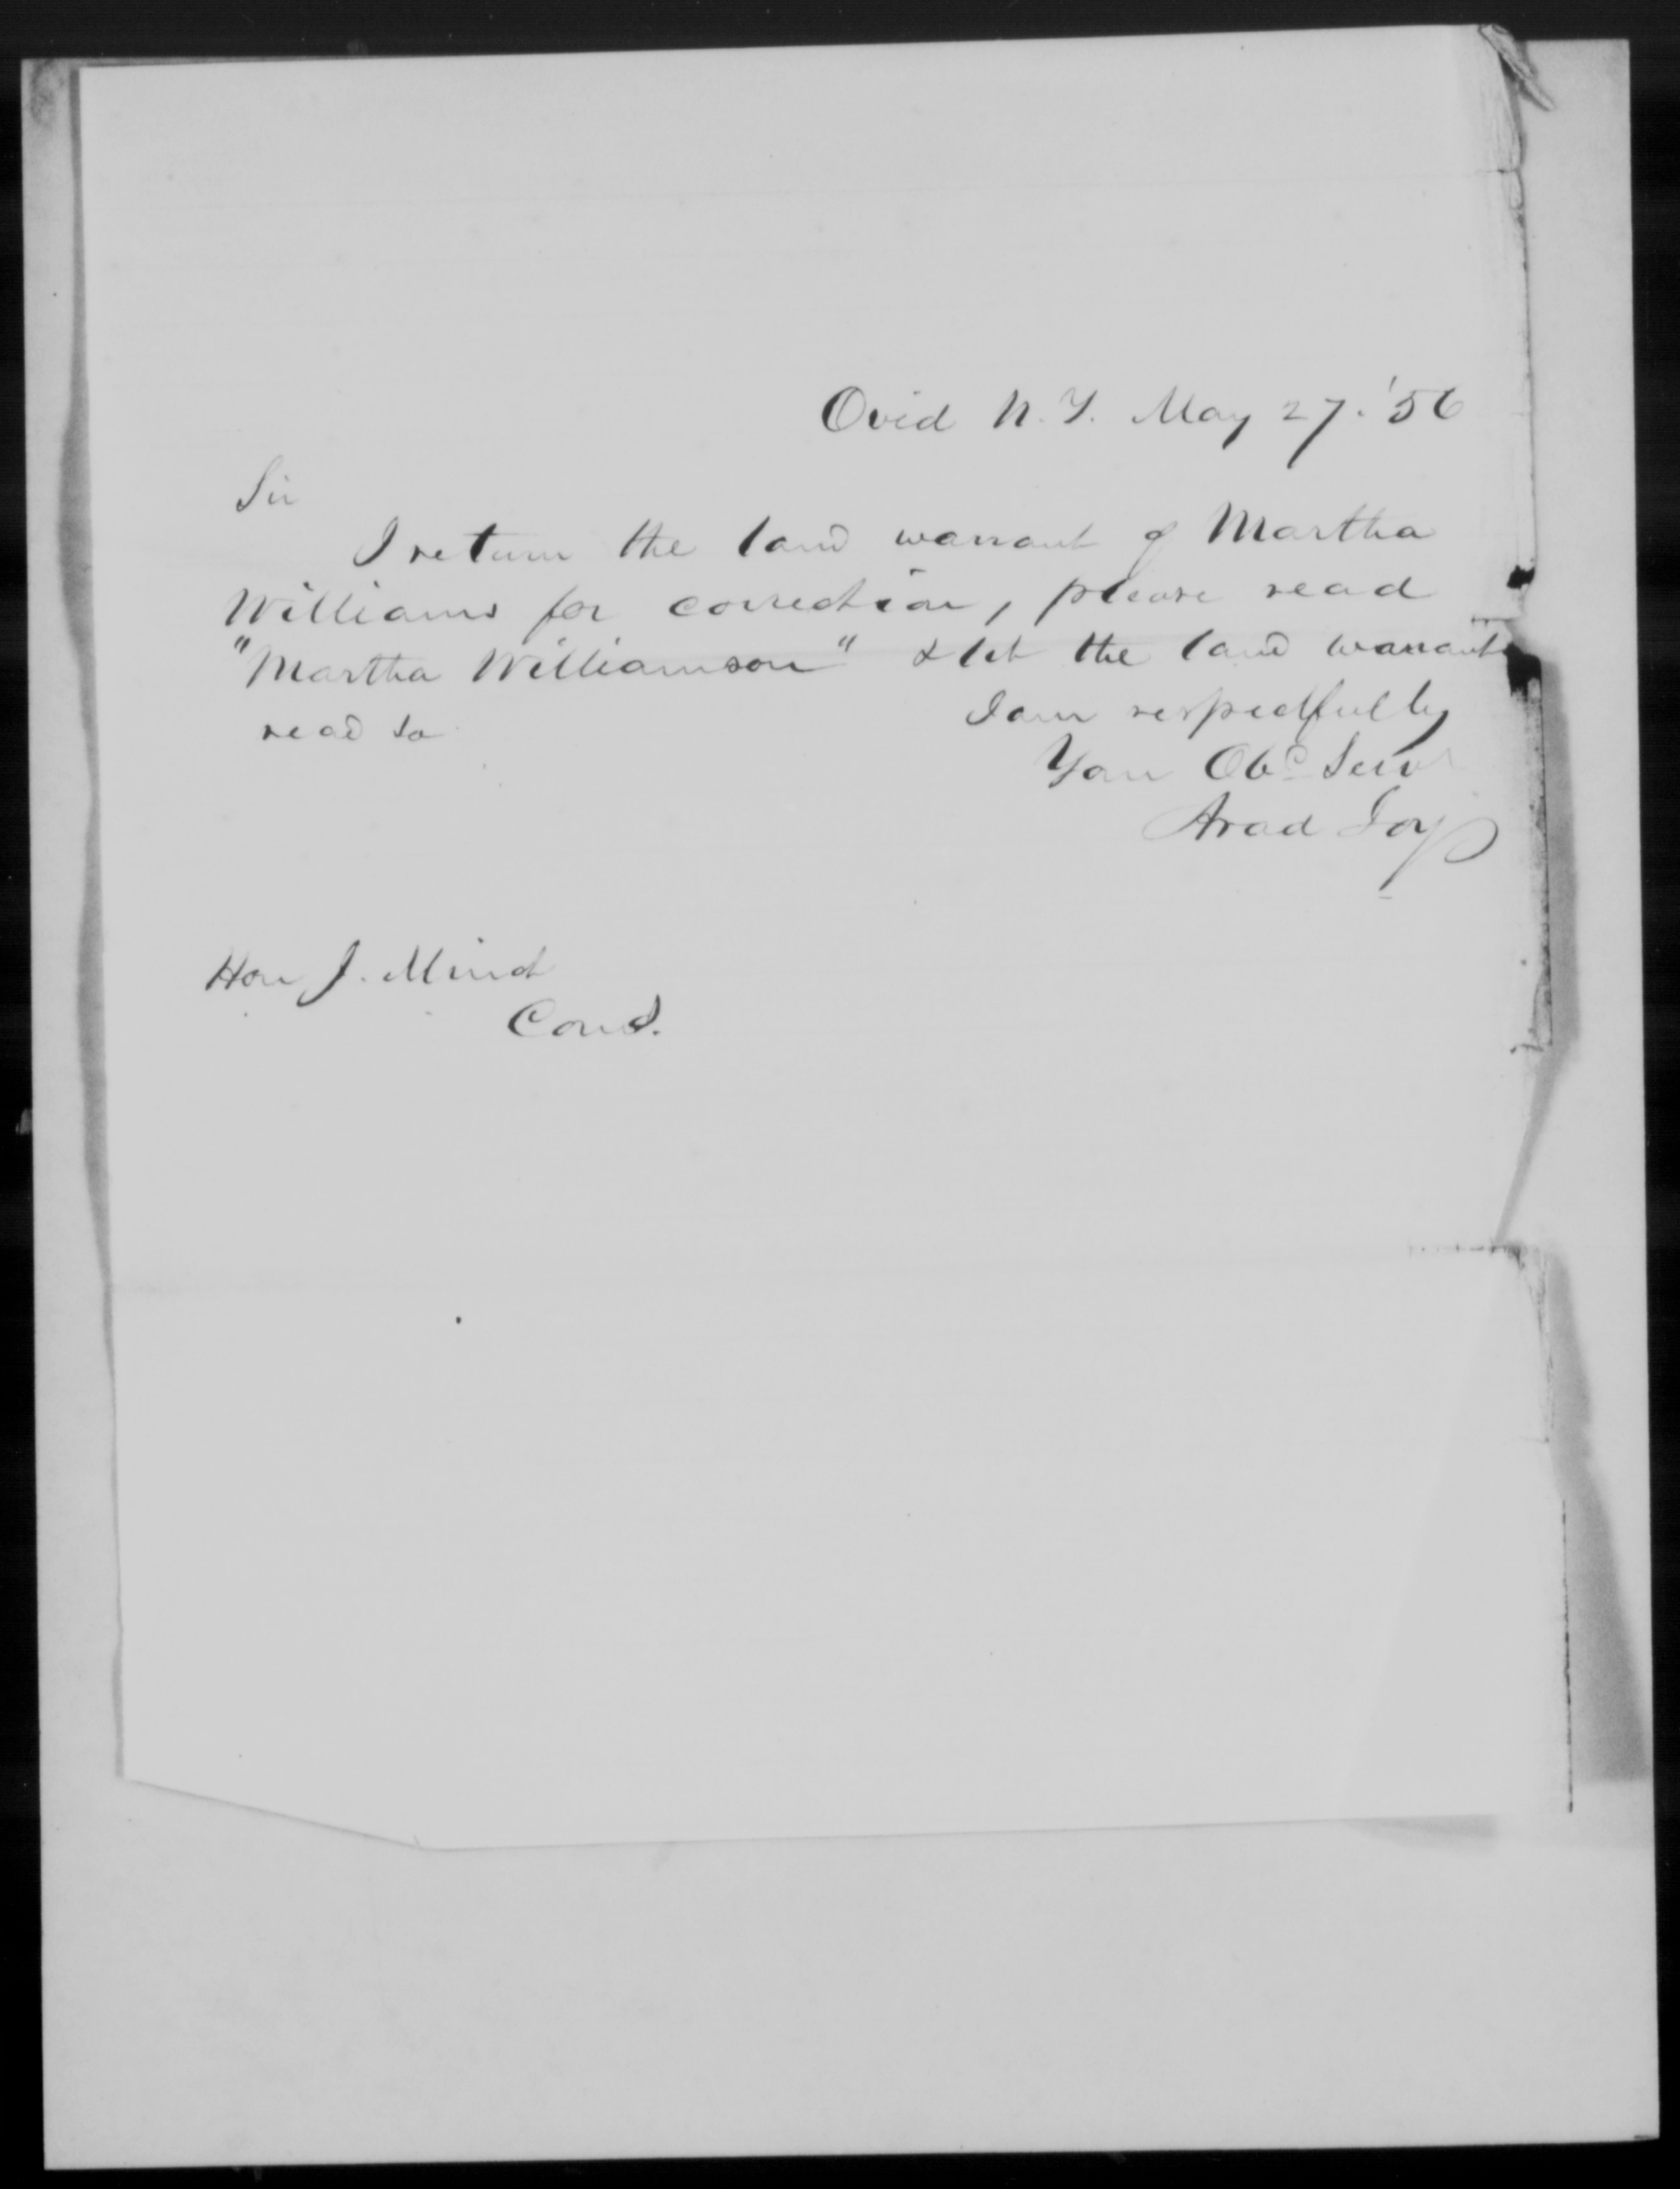Ovid, N.Y., May 27, '56

Sir,

I return the land warrant of Martha Williams for correction. Please read "Martha Williamson" & let the land warrant read so.

I am respectfully your obe(dient) ser(vant),
s/ Arad Joy 

Hon J. Minot
Comm(issioner of Pensions)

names: J Minot, Martha Williams, Arad Joy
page: 31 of 67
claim: widow's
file: W. 2393, Jacob Williamson, New Jersey